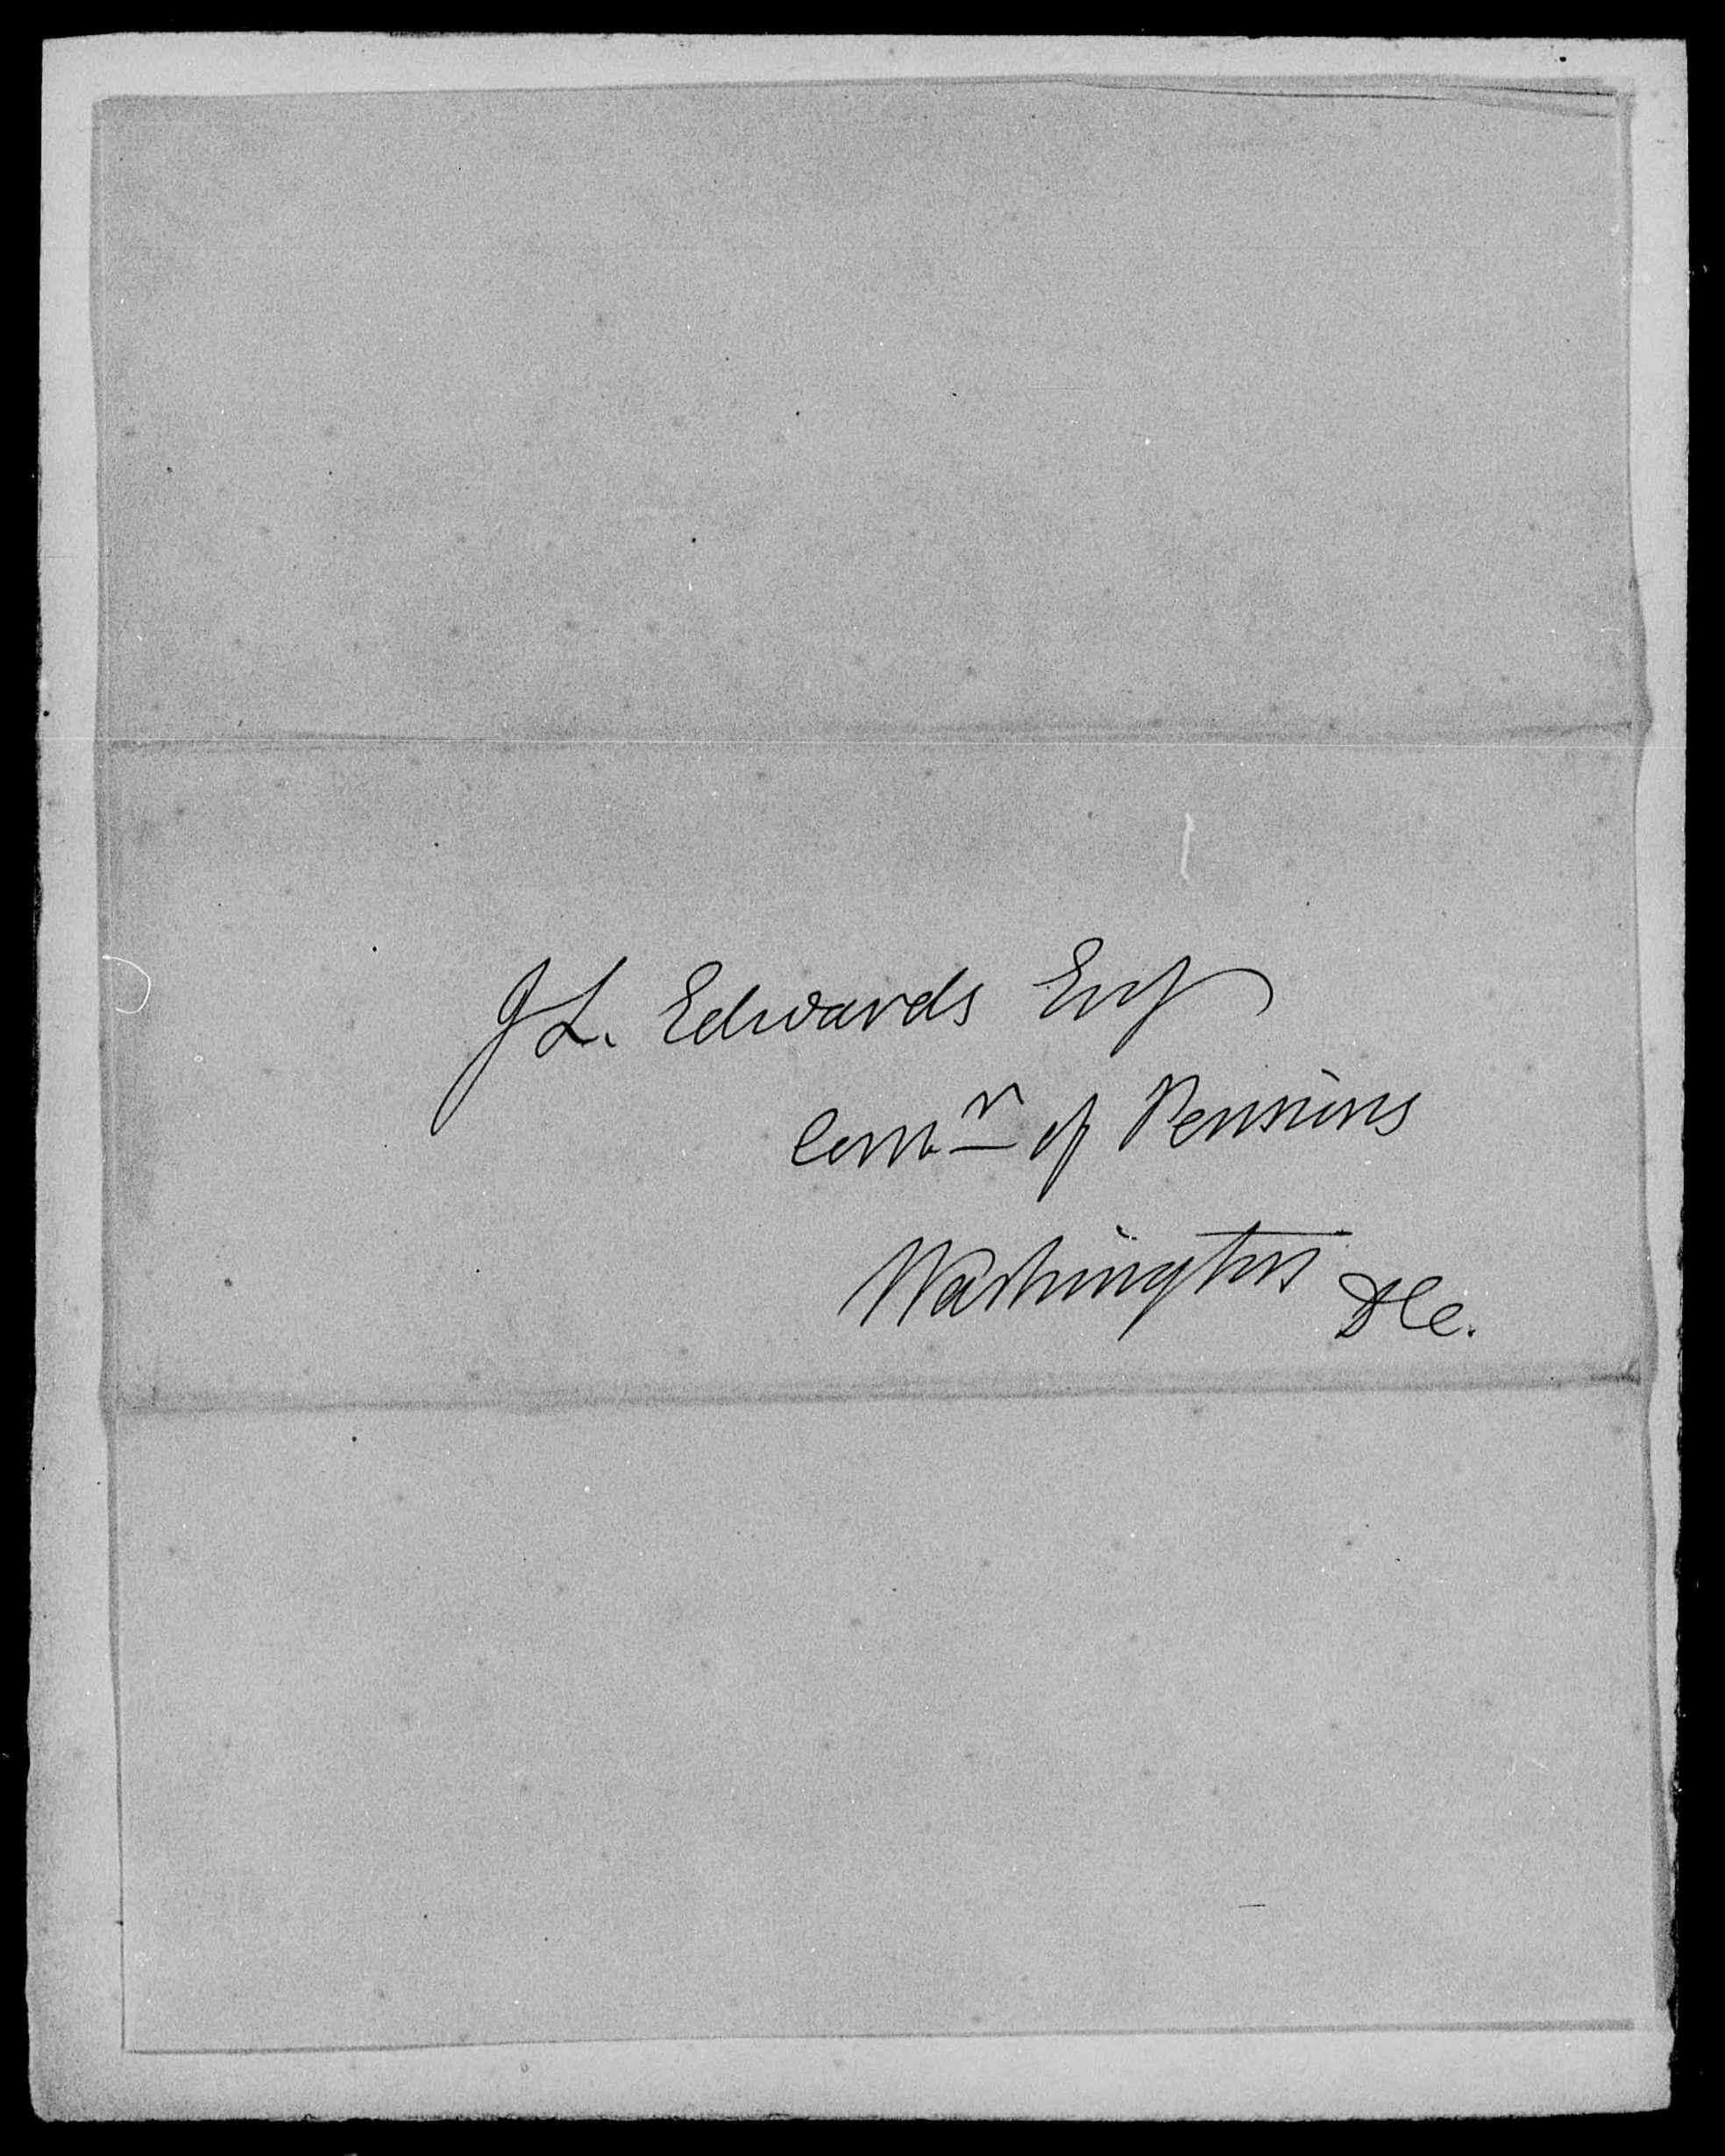J L. Edwards Esq
Commr of Pensions
Washington 
DC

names: J L Edwards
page: 28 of 36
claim: widow's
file: W. 8838, Elijah Gushee, Mass.